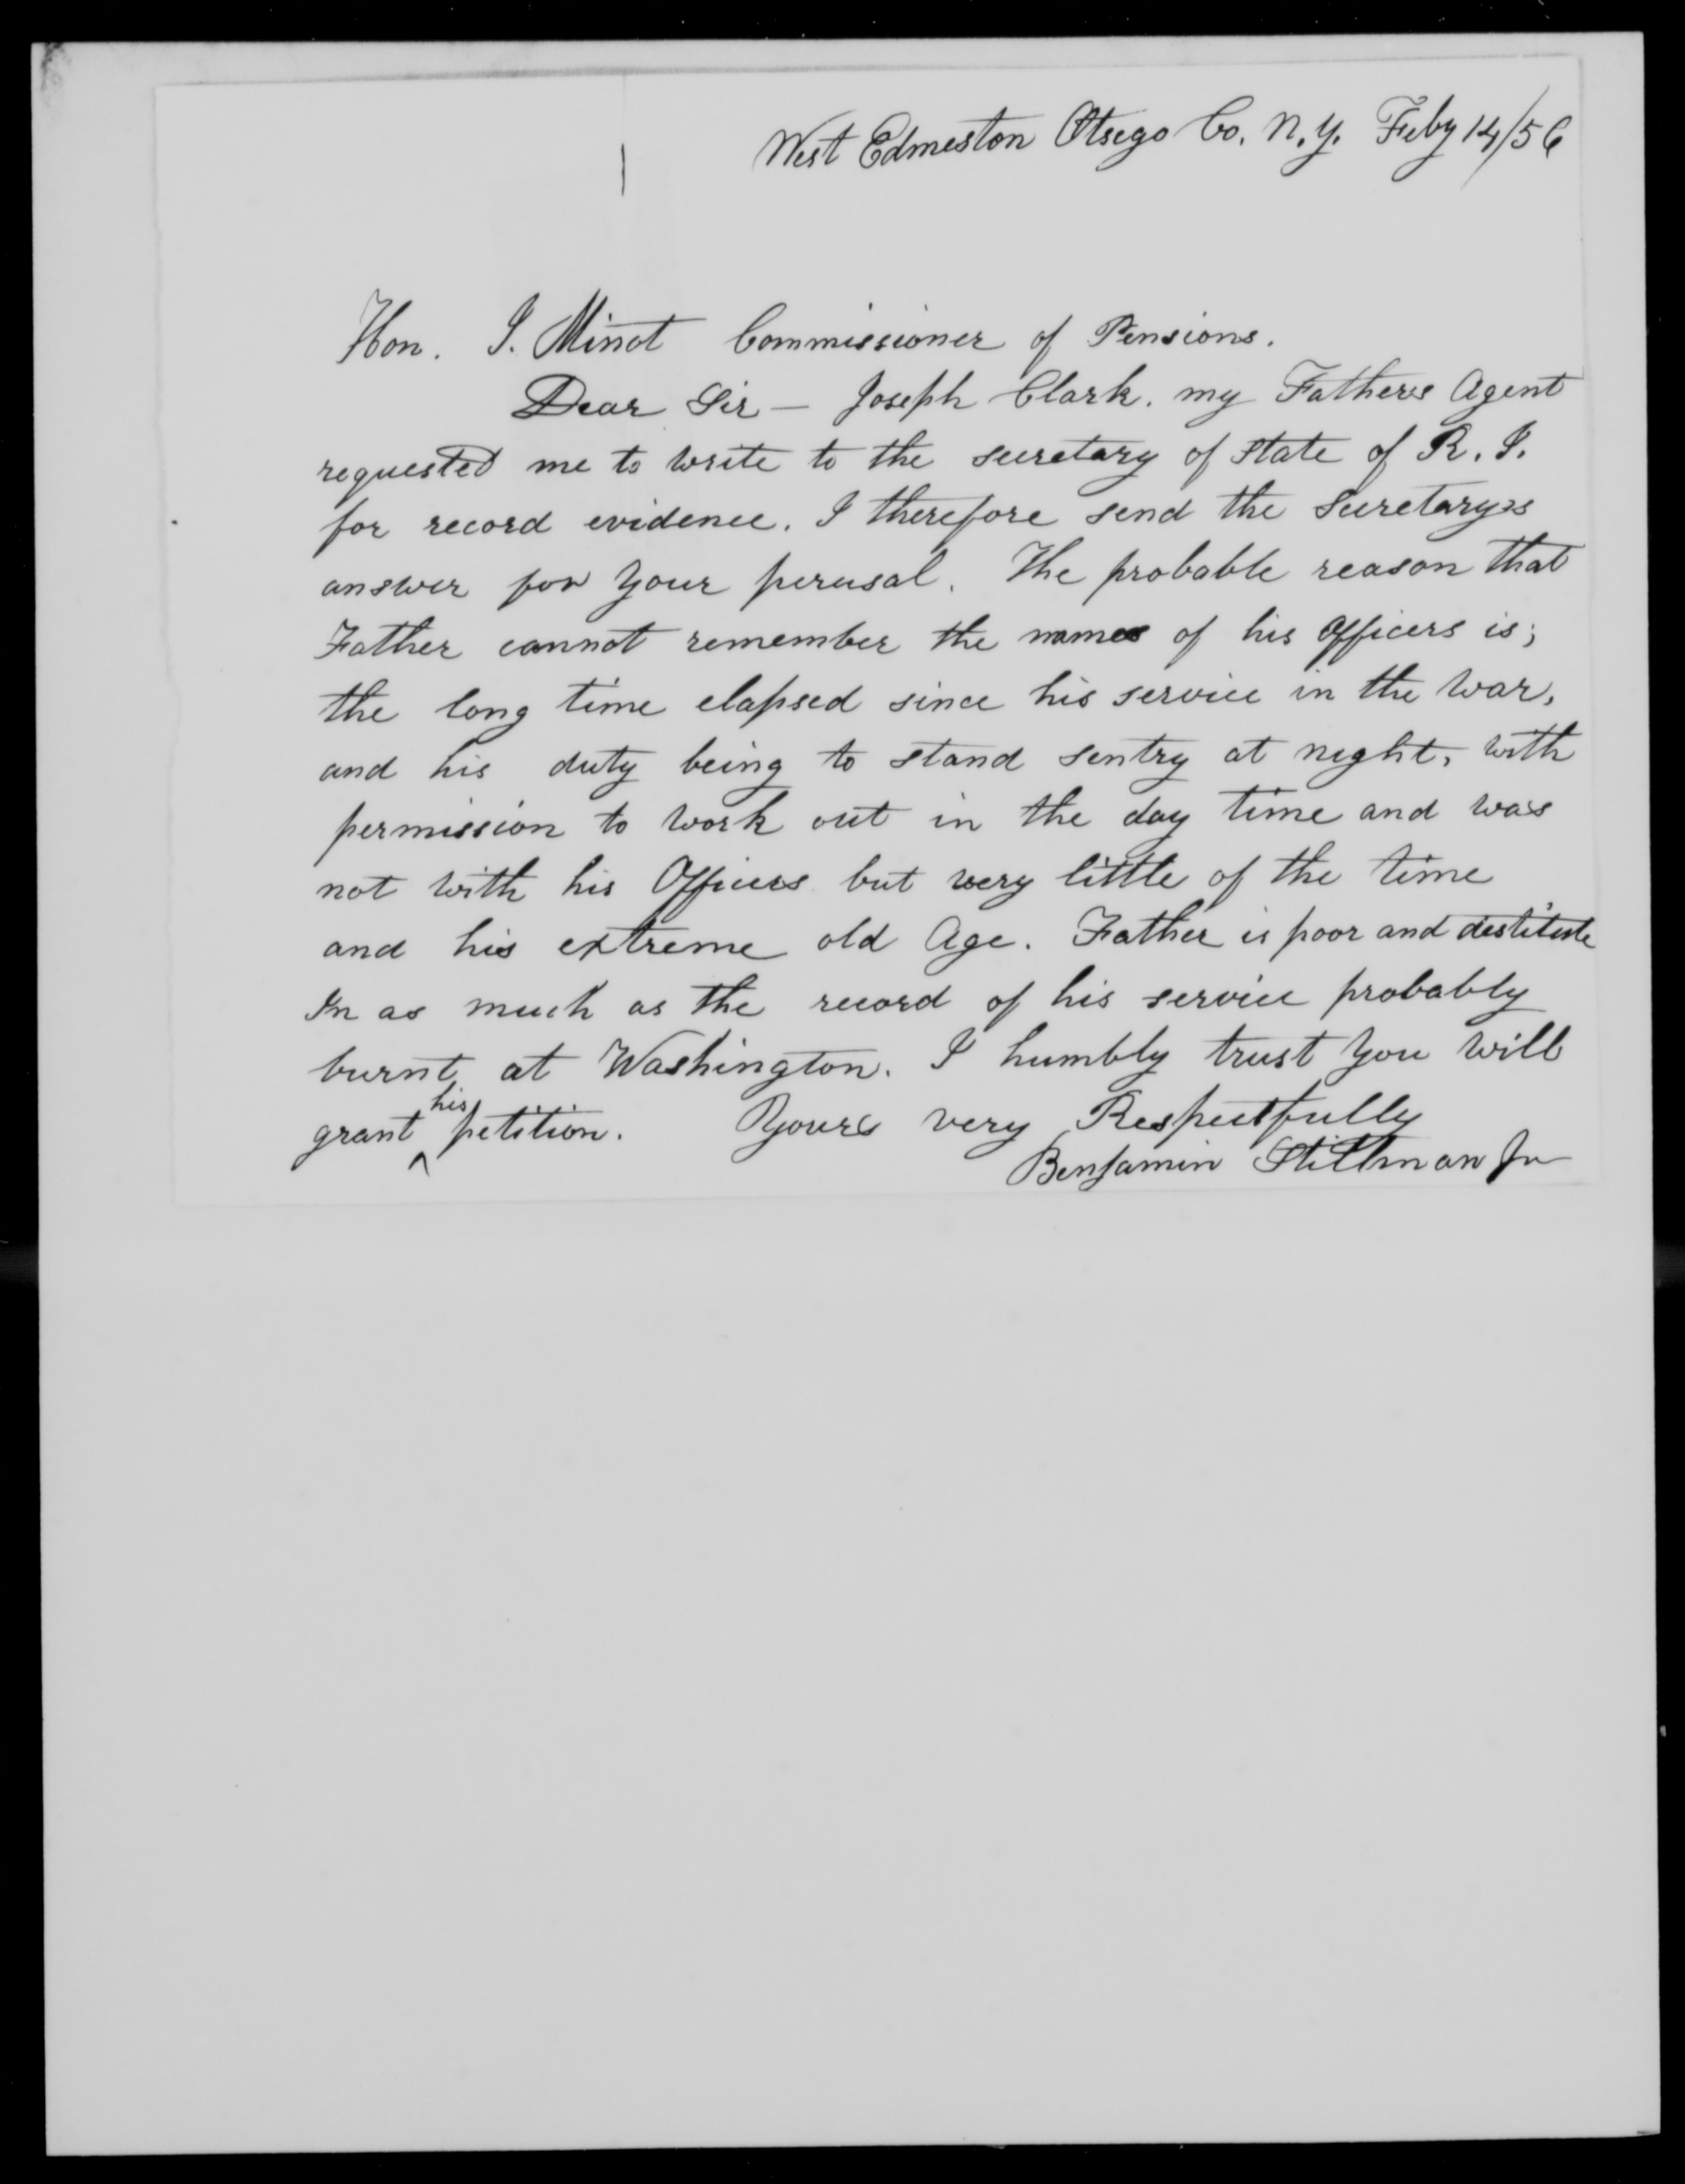West Edmeston Otsego Co. N.Y. Feby 14/56 
Hon J Minot Commissioner of Pensions 
Dear Sir-- Joseph Clark my Father’s Agent requested me to write to the secretary of State of R.I. for record evidence. I therefore send the Secretary's answer for your perusal. The probable reason that Father cannot remember the names of his officers is; the long time elapsed since his service in the war, and his duty being to stand sentry at night, with permission to work out in the day time and was not with his Officers but very little of the time and his extreme old age. Father is poor and destitute In as much as the record of his service probably burnt at Washington. I humbly trust you will grant ^his petition. 
Yours very Respectfully
Benjamin Stillman Jnr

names: J Minot; Benjamin Stillman; Joseph Clark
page: 17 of 29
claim: bounty land warrant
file: B.L.Wt.47987-160-55, for Benjamin Stillman, Rhode Island